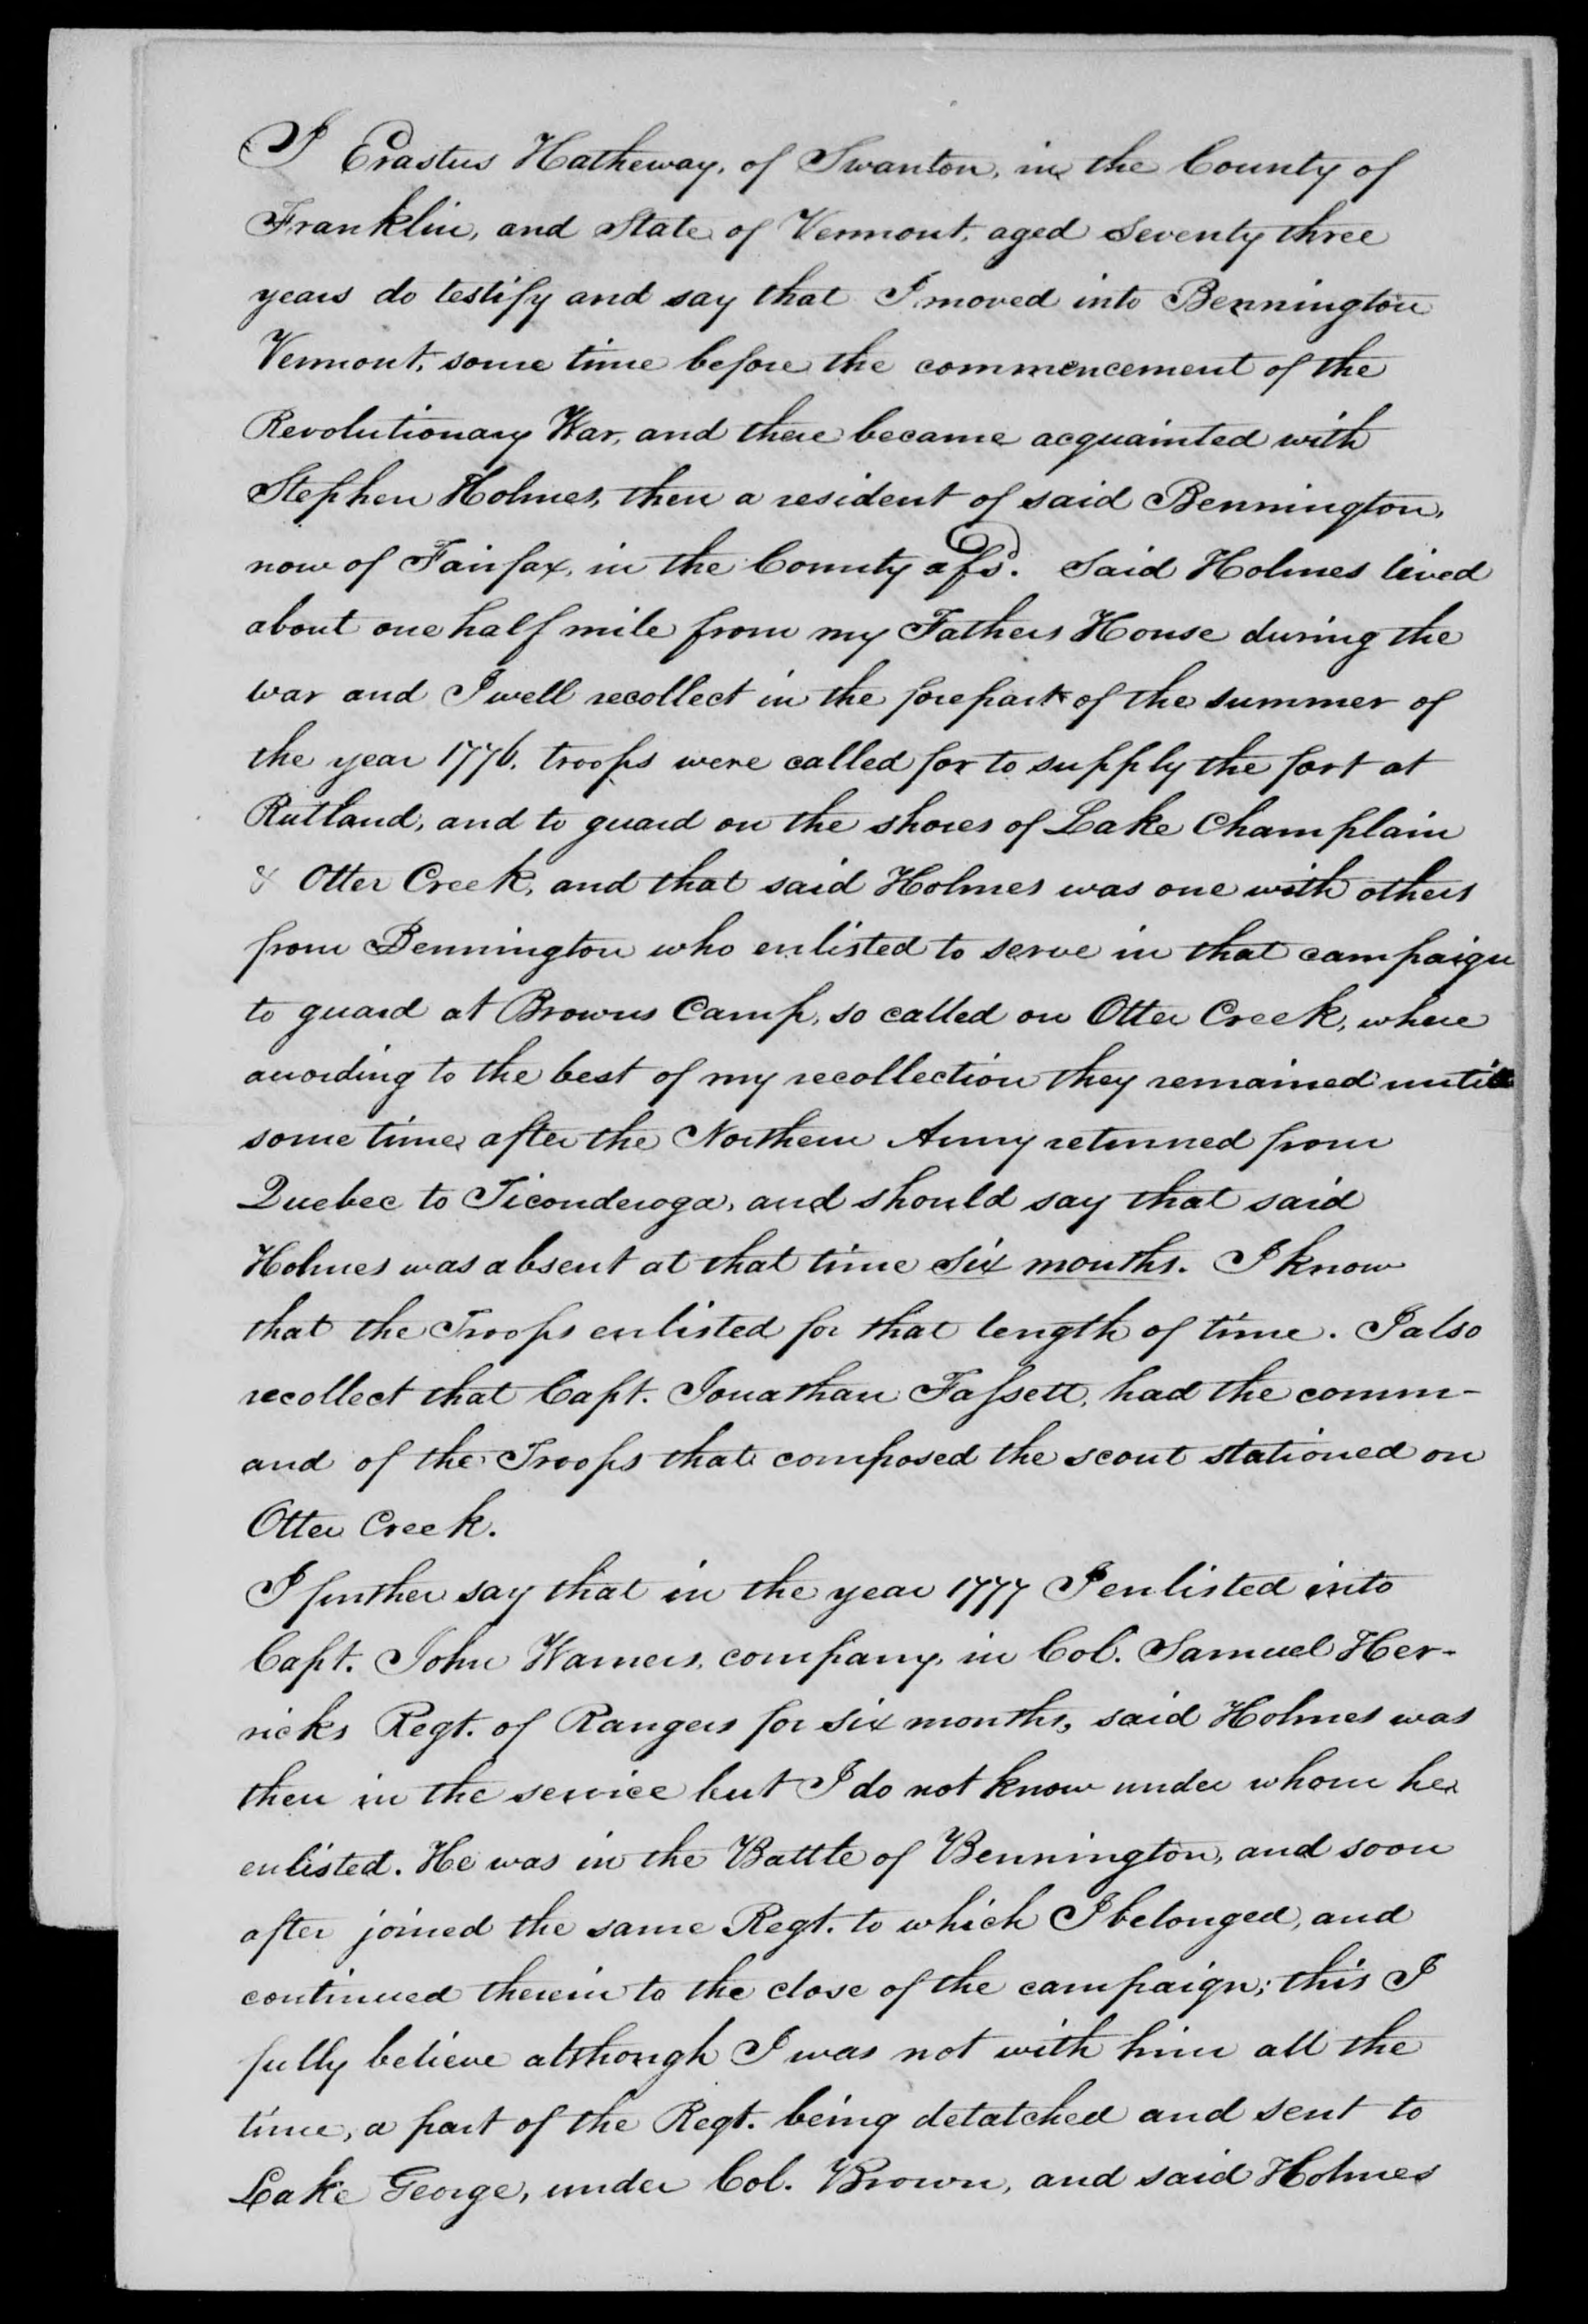I Erastus Hatheway, of Swanton, in the County of Franklin, and State of Vermont, aged seventy three years do testify and say that I moved into Bennington Vermont, some time before the commencement of the Revolutionary War, and there became acquainted with Stephen Holmes, there a resident of said Bennington, now of Fairfax, in the County afsd. Said Holmes lived about one half mile from my Fathers House during the war and I well recollect in the forepart of the summer of the year 1776, troops were called for to supply the fort at Rutland, and to guard on the shores of Lake Champlain & Otter Creek, and that said Holmes was one with others from Bennington who enlisted to serve in that campaign to guard at Browns Camp, so called on Otter Creek, where according to the best of my recollection they remained until some time after the Northern Army returned from Quebec to Ticonderoga, and should say that said Holmes was absent at that time six months. I know that the Troops enlisted for that length of time. I also recollect that Capt. Jonathan Fassett, had the command of the Troops that composed the scout stationed on Otter Creek.
I further say that in the year 1777 I enlisted into Capt. John Warners company, in Col. Samuel Herricks Regt. of Rangers for six months, said Holmes was then in the service but I do not know under whom he enlisted. He was in the Battle of Bennington, and soon after joined the same Regt. to which I belonged, and continued therein to the close of the campaign; this I fully believe although I was not with him all the time, a part of the Regt. being detached and sent to Lake George, under Col. Brown, and said Holmes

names: Stephen Holmes, Holmes, Holmes, Holmes, Brown, Holmes, Holmes, Erastus Hatheway, Jonathan Fassett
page: 54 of 72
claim: widow's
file: W. 7771, Stephen Holmes, Vt.